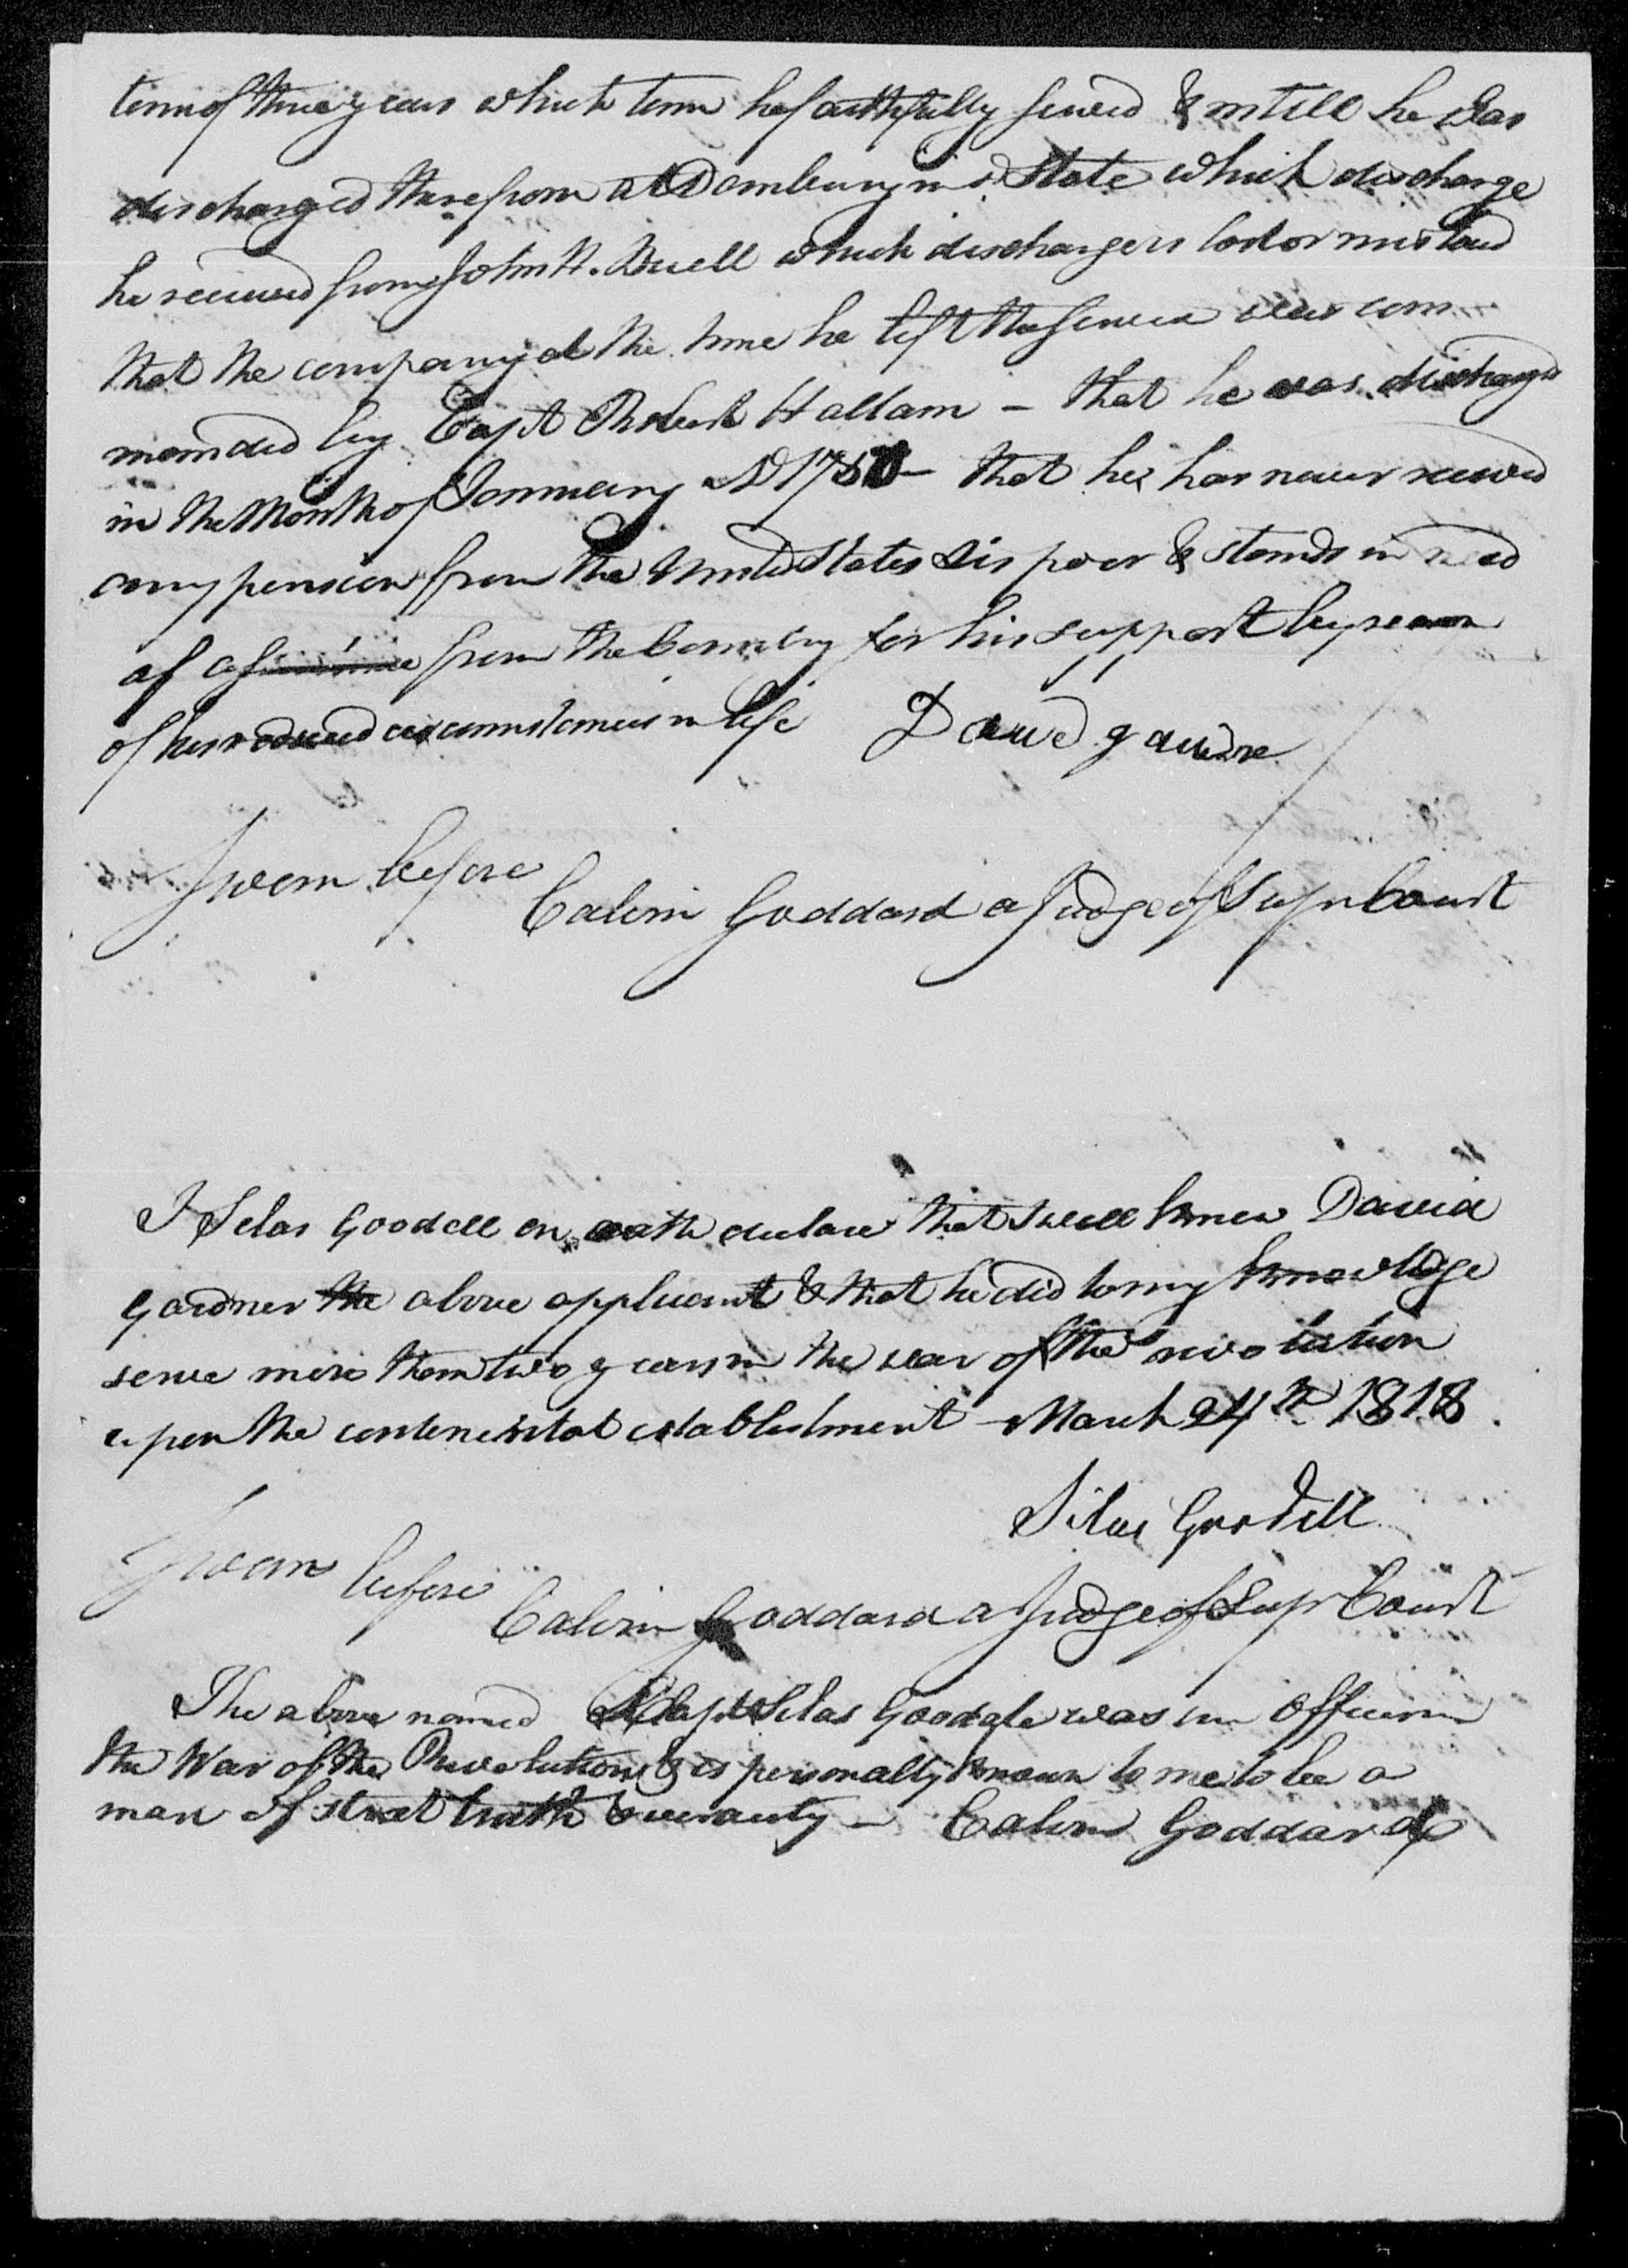term of three years which tim he faithfully served and untill he was discharged therefrom at Danbury in said State which discharge he received from John N. Buell, which discharge is lost or mislaid. That the company at the time he left the same was commanded by Captain Robert Hallam - that he was discharged in the month of January 1780. That he has never received any pension from the United States and is poor and stands in need of assistance from the County for his support by reason of his reduced circumstances in life.
David Gardner
Sworn before Calvin Goddard a Judge of Superior Court

I Silas Goodell on oath declare that I well knew David
Gardner the above applicant and that he did to my knowledge
serve more than two years in the war of the revolution
upon the continental establishment. March 24th 1818
Silas Goodell
Sworn Before Calvin Goddard a Judge of Superior Court

The above named Captain Silas Goodale [sic] was an Officer in
the War of the Revolution and is personally known to me to be a
man of the truth and veracity. Calvin Goddard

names: Calvin Goddard, Silas Goodell, Silas Goodell, David Gardner, Robert Hallam, Calvin Goddard, Silas Goodale, John H Buell, David Gardner, Calvin Goddard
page: 7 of 66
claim: widow's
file: W 1850, David Gardner, Conn.